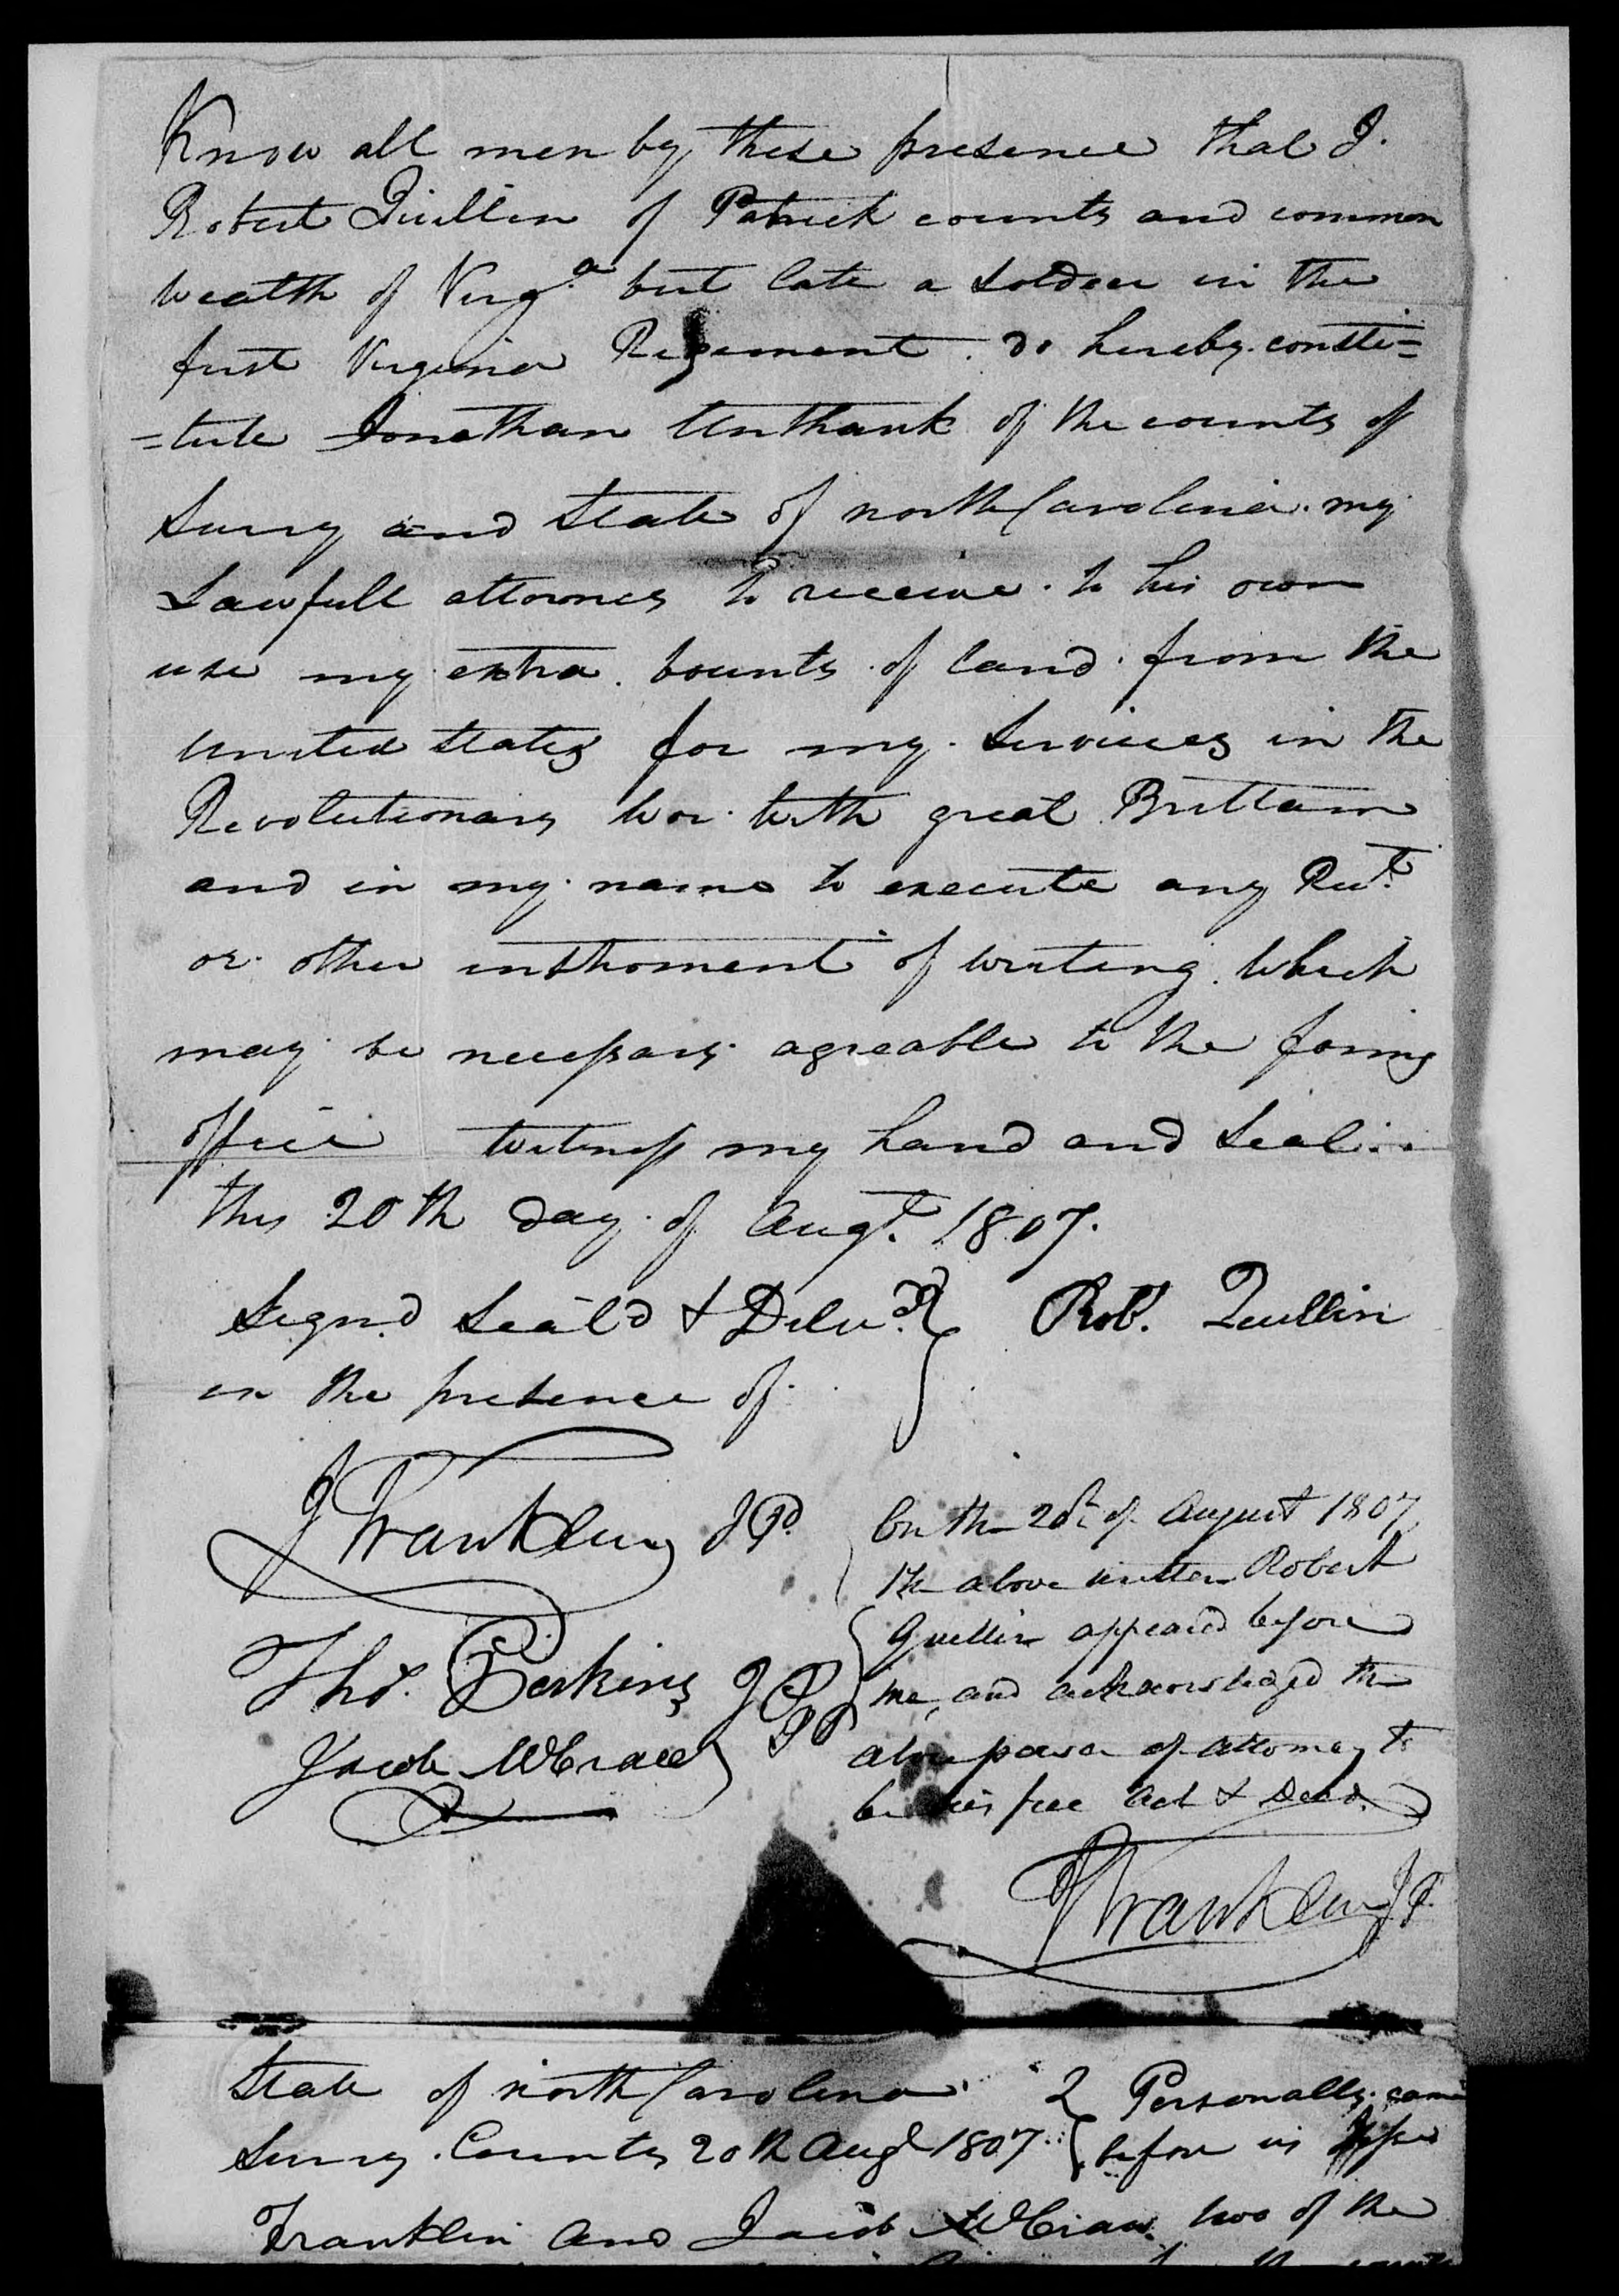Know all men by these presence that I Robert Quillin of Patrick County and commonwealth of Virga but late a soldier in the first Virginia Regiment do hereby constitute Jonathan Unthank of the county of Surry and State of North Carolina my Lawfull attorney to receive to his own use my extra bounty of land from the
United States for my services in the Revolutionary War with great Brittain and in my name to execute any Rec't. or other instrument of writing which may be necessary agreable to the farming office witness my hand and Seal this 20th day of Augt. 1807
[sig] Robt. Quillin

Signed Seal'd & Delv'd  
in the presence of } 
[sig] J Franklin JP
[sig]  Perkins JP
[sig] Jacob W Craw 

On the 20th day of August 1807. the above written Robert Quillin appeared before me and acknowledged the above power of attorney to [illegible: broker?] free Act & Deed.
[sig] J Franklin JP

[new page]
State of North Carolina } 
Surry County 20th Augt 1807}
Personally came before us Jessie Franklin and Jacob W Craw two of the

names: Robert Quillin; Jacob W Craw; Jonathan Unthank; J Franklin; Thos Perkins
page: 5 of 12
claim: bounty land warrant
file: B. L. Wt. 392-100, for Robert Quillin, Virginia